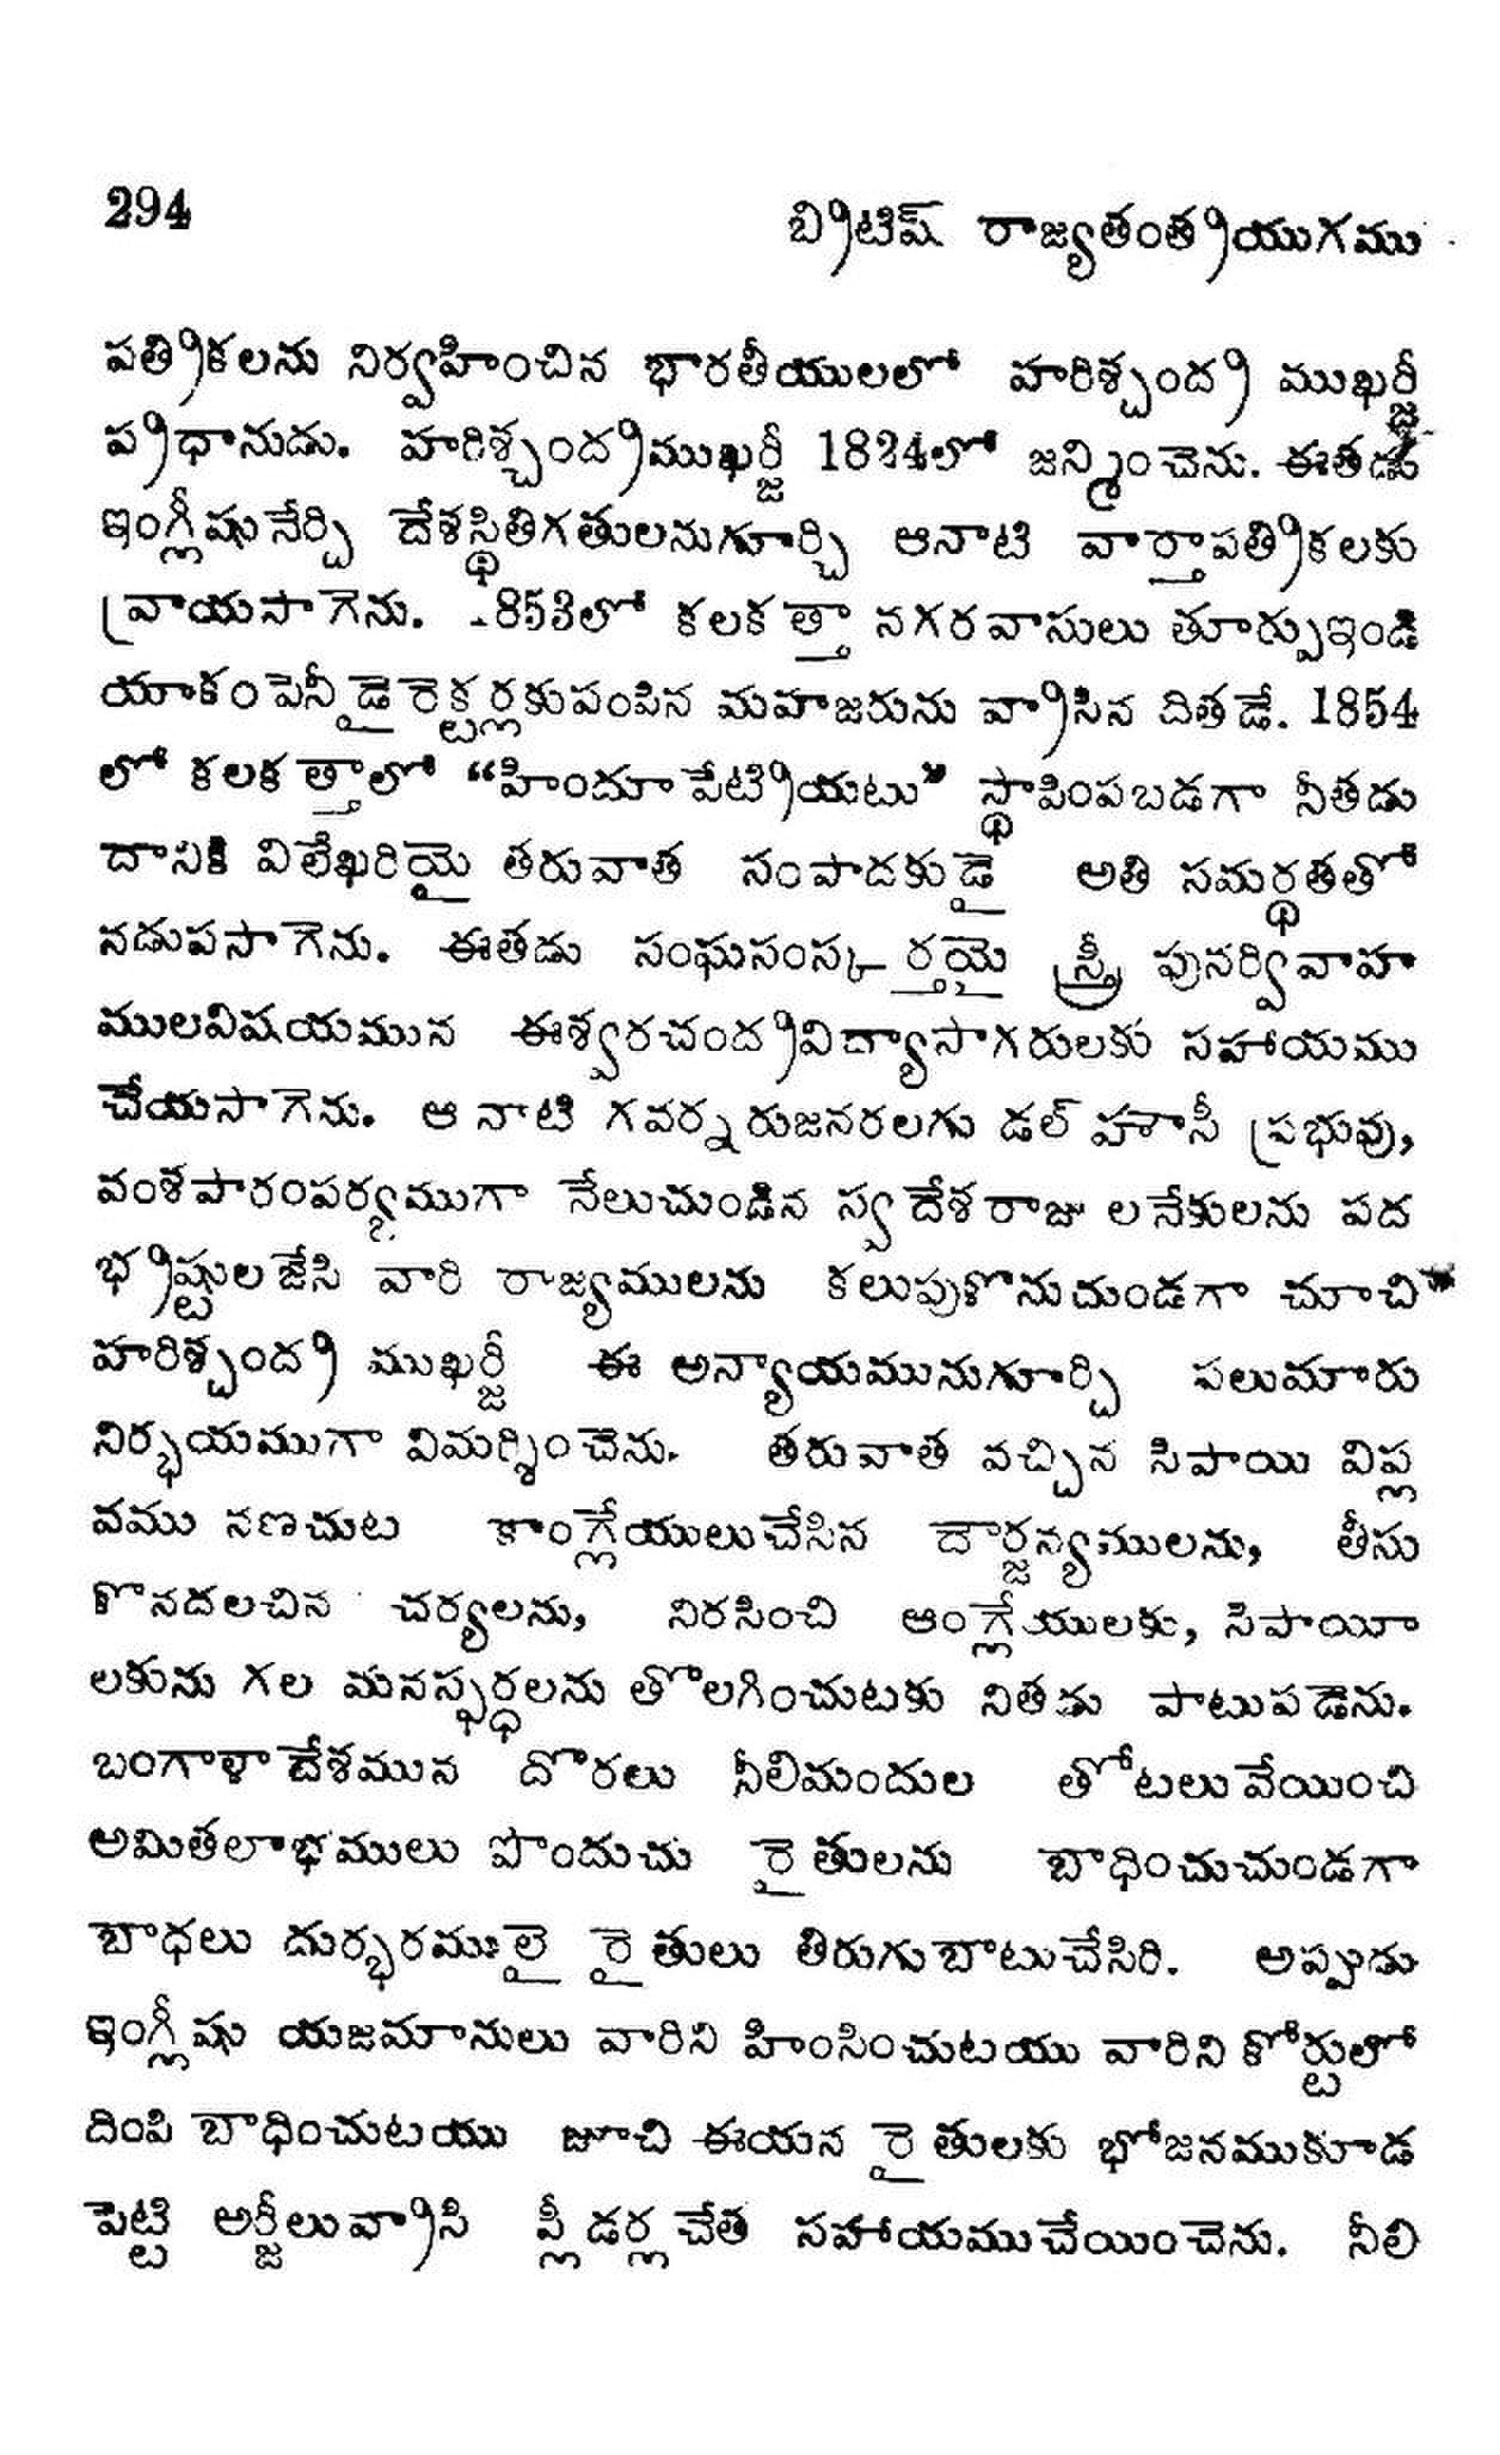పత్రికలను నిర్వహించిన భారతీయులలో హరిశ్చంద్ర ముఖర్జీ ప్రధానుడు. హరిశ్చంద్రముఖర్జీ 1824లో జన్మించెను. ఈతడు ఇంగ్లీషునేర్చి దేశస్థితిగతులనుగూర్చి ఆనాటి వార్తాపత్రికలకు వ్రాయసాగెను. 1853లో కలకత్తా నగరవాసులు తూర్పుఇండియాకంపెనీ డైరెక్టర్లకు పంపిన మహజరును వ్రాసిన దితడే. 1854 లో కలకత్తాలో “హిందూ పేట్రియటు" స్థాపింపబడగా నీతడు దానికి విలేఖరియై తరువాత సంపాదకుడై అతి సమర్థతతో నడుపసాగెను. ఈతడు సంఘసంస్కర్తయై స్త్రీ పునర్వివాహములవిషయమున ఈశ్వరచంద్రవిద్యాసాగరులకు సహాయము చేయసాగెను. ఆ నాటి గవర్నరుజనరలగు డల్ హౌసీ ప్రభువు, వంశపారంపర్యముగా నేలుచుండిన స్వదేశరాజు లనేకులను పద భ్రష్టులజేసి వారి రాజ్యములను కలుపుకొనుచుండగా చూచి హరిశ్చంద్ర ముఖర్జీ ఈ అన్యాయమునుగూర్చి పలుమారు నిర్భయముగా విమర్శించెను. తరువాత వచ్చిన సిపాయి విప్లవము నణచుట కాంగ్లేయులు చేసిన దౌర్జన్యములను, తీసుకొనదలచిన చర్యలను, నిరసించి ఆంగ్లేయులకు, సిపాయీలకును గల మనస్పర్ధలను తొలగించుటకు నితడు పాటుపడెను. బంగాళాదేశమున దొరలు నీలిమందుల తోటలువేయించి అమితలాభములు పొందుచు రైతులను బాధించుచుండగా బాధలు దుర్భరములై రైతులు తిరుగుబాటుచేసిరి. అప్పుడు ఇంగ్లీషు యజమానులు వారిని హింసించుటయు వారిని కోర్టులో దింపి బాధించుటయు జూచి ఈయన రైతులకు భోజనముకూడ పెట్టి అర్జీలువ్రాసి ప్లీడర్ల చేత సహాయముచేయించెను. నీలి